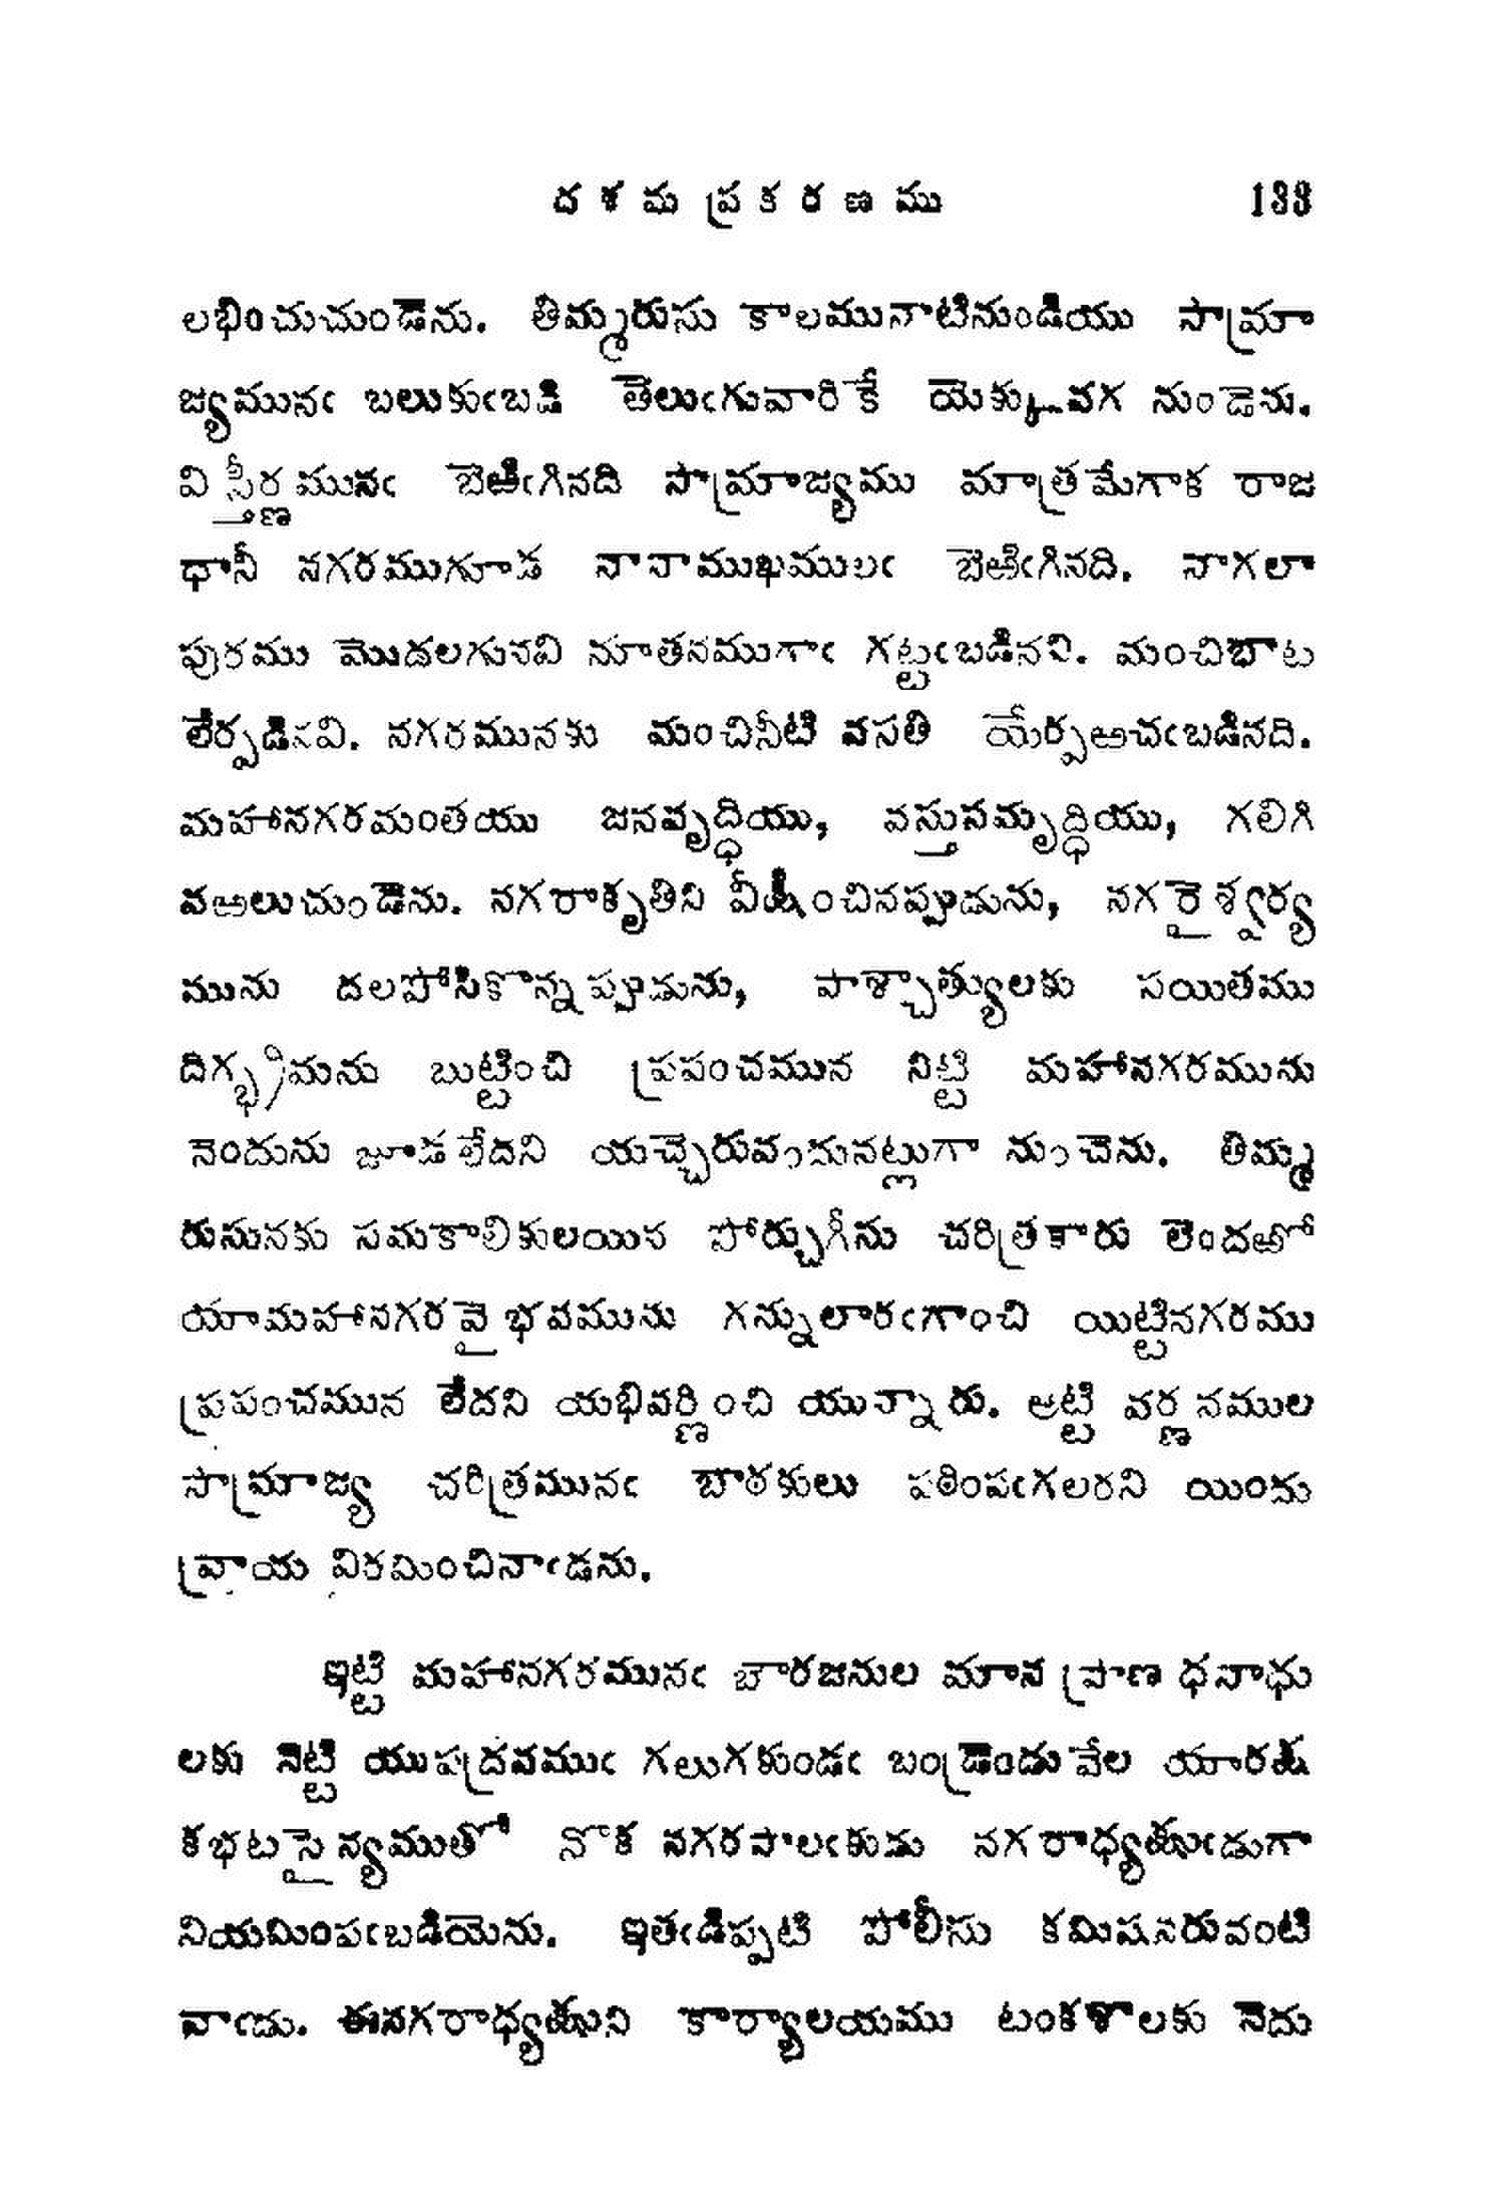లభించుచుండెను. తిమ్మరుసు కాలమునాటినుండియు సామ్రాజ్యమునఁ బలుకుఁబడి తెలుఁగువారికే యెక్కువగ నుండెను. విస్తీర్ణమునఁ బెఱిఁగినది సామ్రాజ్యము మాత్రమేగాక రాజధానీ నగరముగూడ నానాముఖములఁ బెఱిఁగినది. నాగలాపురము మొదలగునవి నూతనముగాఁ గట్టఁబడినవి. మంచిభాట లేర్పడినవి. నగరమునకు మంచినీటి వసతి యేర్పఱచఁబడినది. మహానగరమంతయు జనవృదియు, వస్తుసమృద్ధియు, గలిగి వఱలుచుండెను. నగరాకృతిని వీక్షించినప్పుడును, నగరైశ్వర్యమును దలపోసికొన్నప్పుడును, పాశ్చాత్యులకు సయితము దిగ్భ్రమను బుట్టించి ప్రపంచమున నిట్టి మహానగరమును నెందును జూడలేదని యచ్చెరువందునట్లుగా నుంచెను. తిమ్మరుసునకు సమకాలికులయిన పోర్చుగీసు చరిత్రకారు లెందఱో యామహానగరవైభవమును గన్నులారఁగాంచి యిట్టినగరము ప్రపంచమున లేదని యభివర్ణించి యున్నారు. అట్టి వర్ణనముల సామ్రాజ్య చరిత్రమునఁ బాఠకులు పఠింపఁగలరని యిందు వ్రాయ విరమించినాఁడను.

ఇట్టి మహానగరమునఁ బౌరజనుల మాన ప్రాణ ధనాధులకు నెట్టి యుపద్రవముఁ గలుగకుండఁ బండ్రెండువేల యారక్షకభటసైన్యముతో నొక నగరపాలకుఁడు నగరాధ్యక్షుఁడుగా నియమింపఁబడియెను. ఇతఁడిప్పటి పోలీసు కమిషసరువంటి వాఁడు. ఈనగరాధ్యక్షుని కార్యాలయము టంకశాలకు నెదు